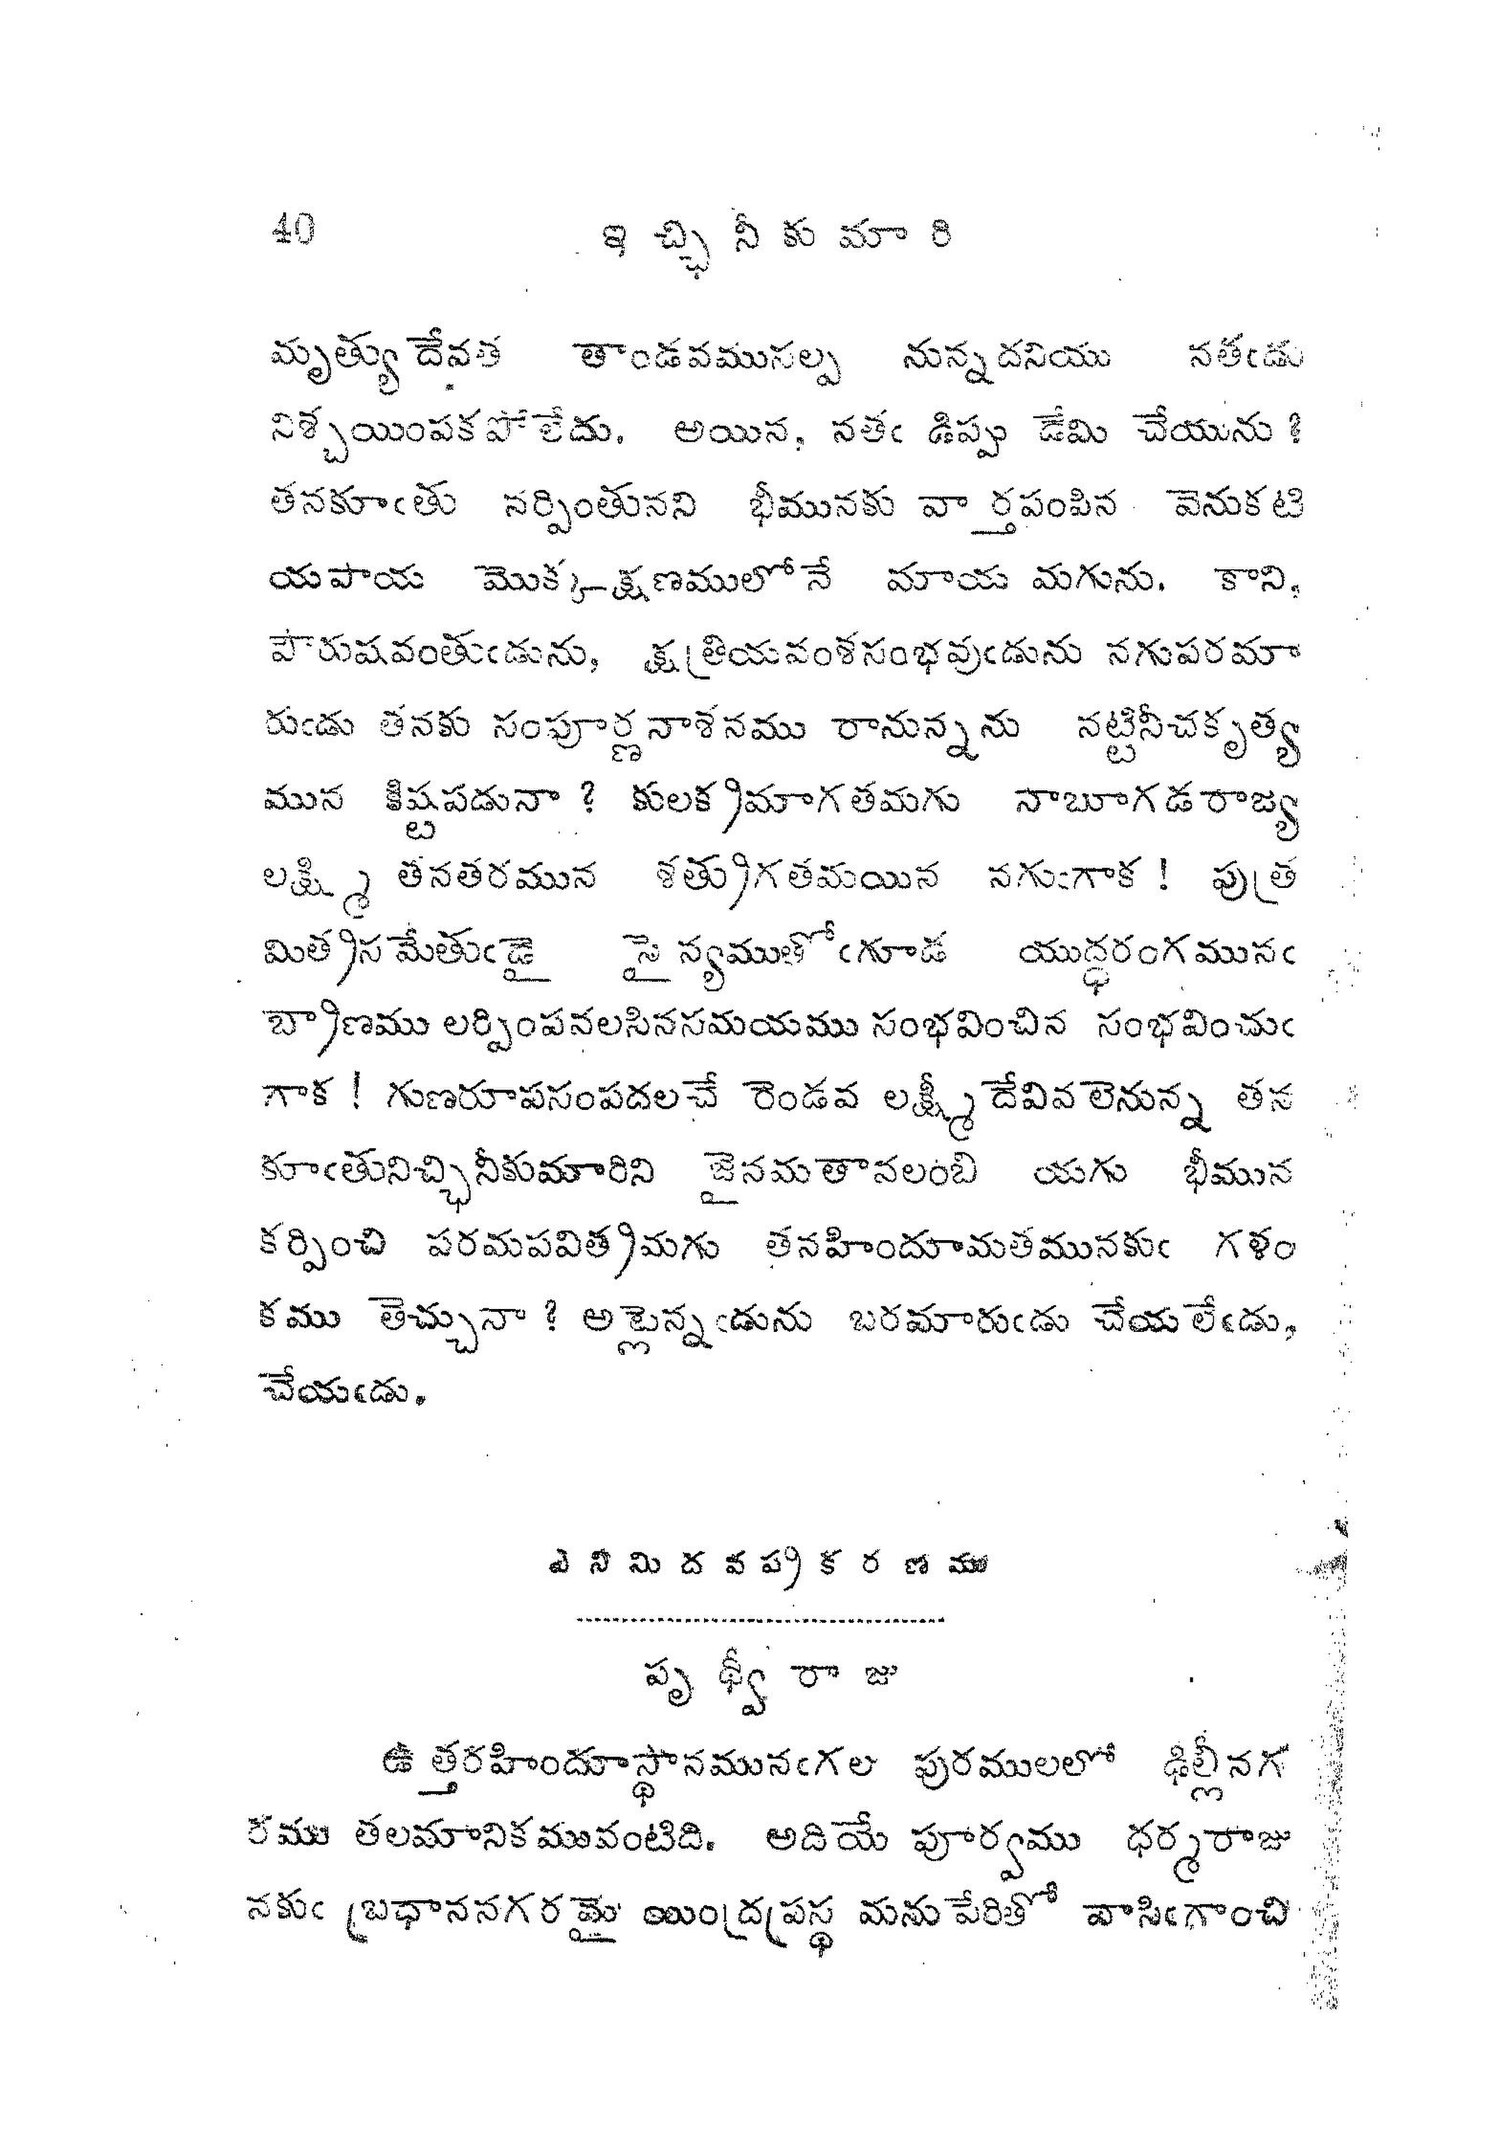మృత్యు దేవత తాండవముసల్ప నున్నదనియు నతఁడు నిశ్చయింపకపోలేదు. అయిన, నతఁ డిప్పుడేమి చేయును ? తనకూఁతు నర్పింతునని భీమునకు వార్తపంపిన . వెనుకటి యపాయ మొక్క క్షణములోనే మాయమగును. కాని, పౌరుషవంతుఁడును, క్షత్రియవంశసంభవుఁడును నగుపరమా రుఁడు తనకు సంపూర్ణ నాశనము రానున్నను నట్టినీచకృత్య మున కిష్టపడునా ? కులక్రమాగతమగు నాబూగడ రాజ్య తనతరమున శతగతమయిన నగుగాక ! పుత్ర మిత్రస మేతుఁడై సైన్యముతో గూడ యుద్ధరంగమునఁ బ్రాణము లర్పింపవలసిన సమయము సంభవించిన సంభవించుఁ గాక ! గుణరూపసంపదలచే రెండవ లక్ష్మీ దేవివ లెనున్న తన కూతు నిచ్ఛినీకుమారిని జైనమ తానలంబి యగు భీమున కర్పించి పరమపవిత్రమగు తనహిందూ మతమునకుఁ గళం కము తెచ్చునా ? అట్లెన్నఁడును బరమారుఁడు చేయ లేఁడు, చేయఁడు.

ఉత్తర హిందూస్థానమునఁగల పురములలో ఢిల్లీ నగ కము తలమానికమువంటిది. అదియే పూర్వము ధర్మరాజు నకుఁ బ్రధాననగరమై యింద్రప్రస్థ మను పేరితో వాసిఁ గాంచి